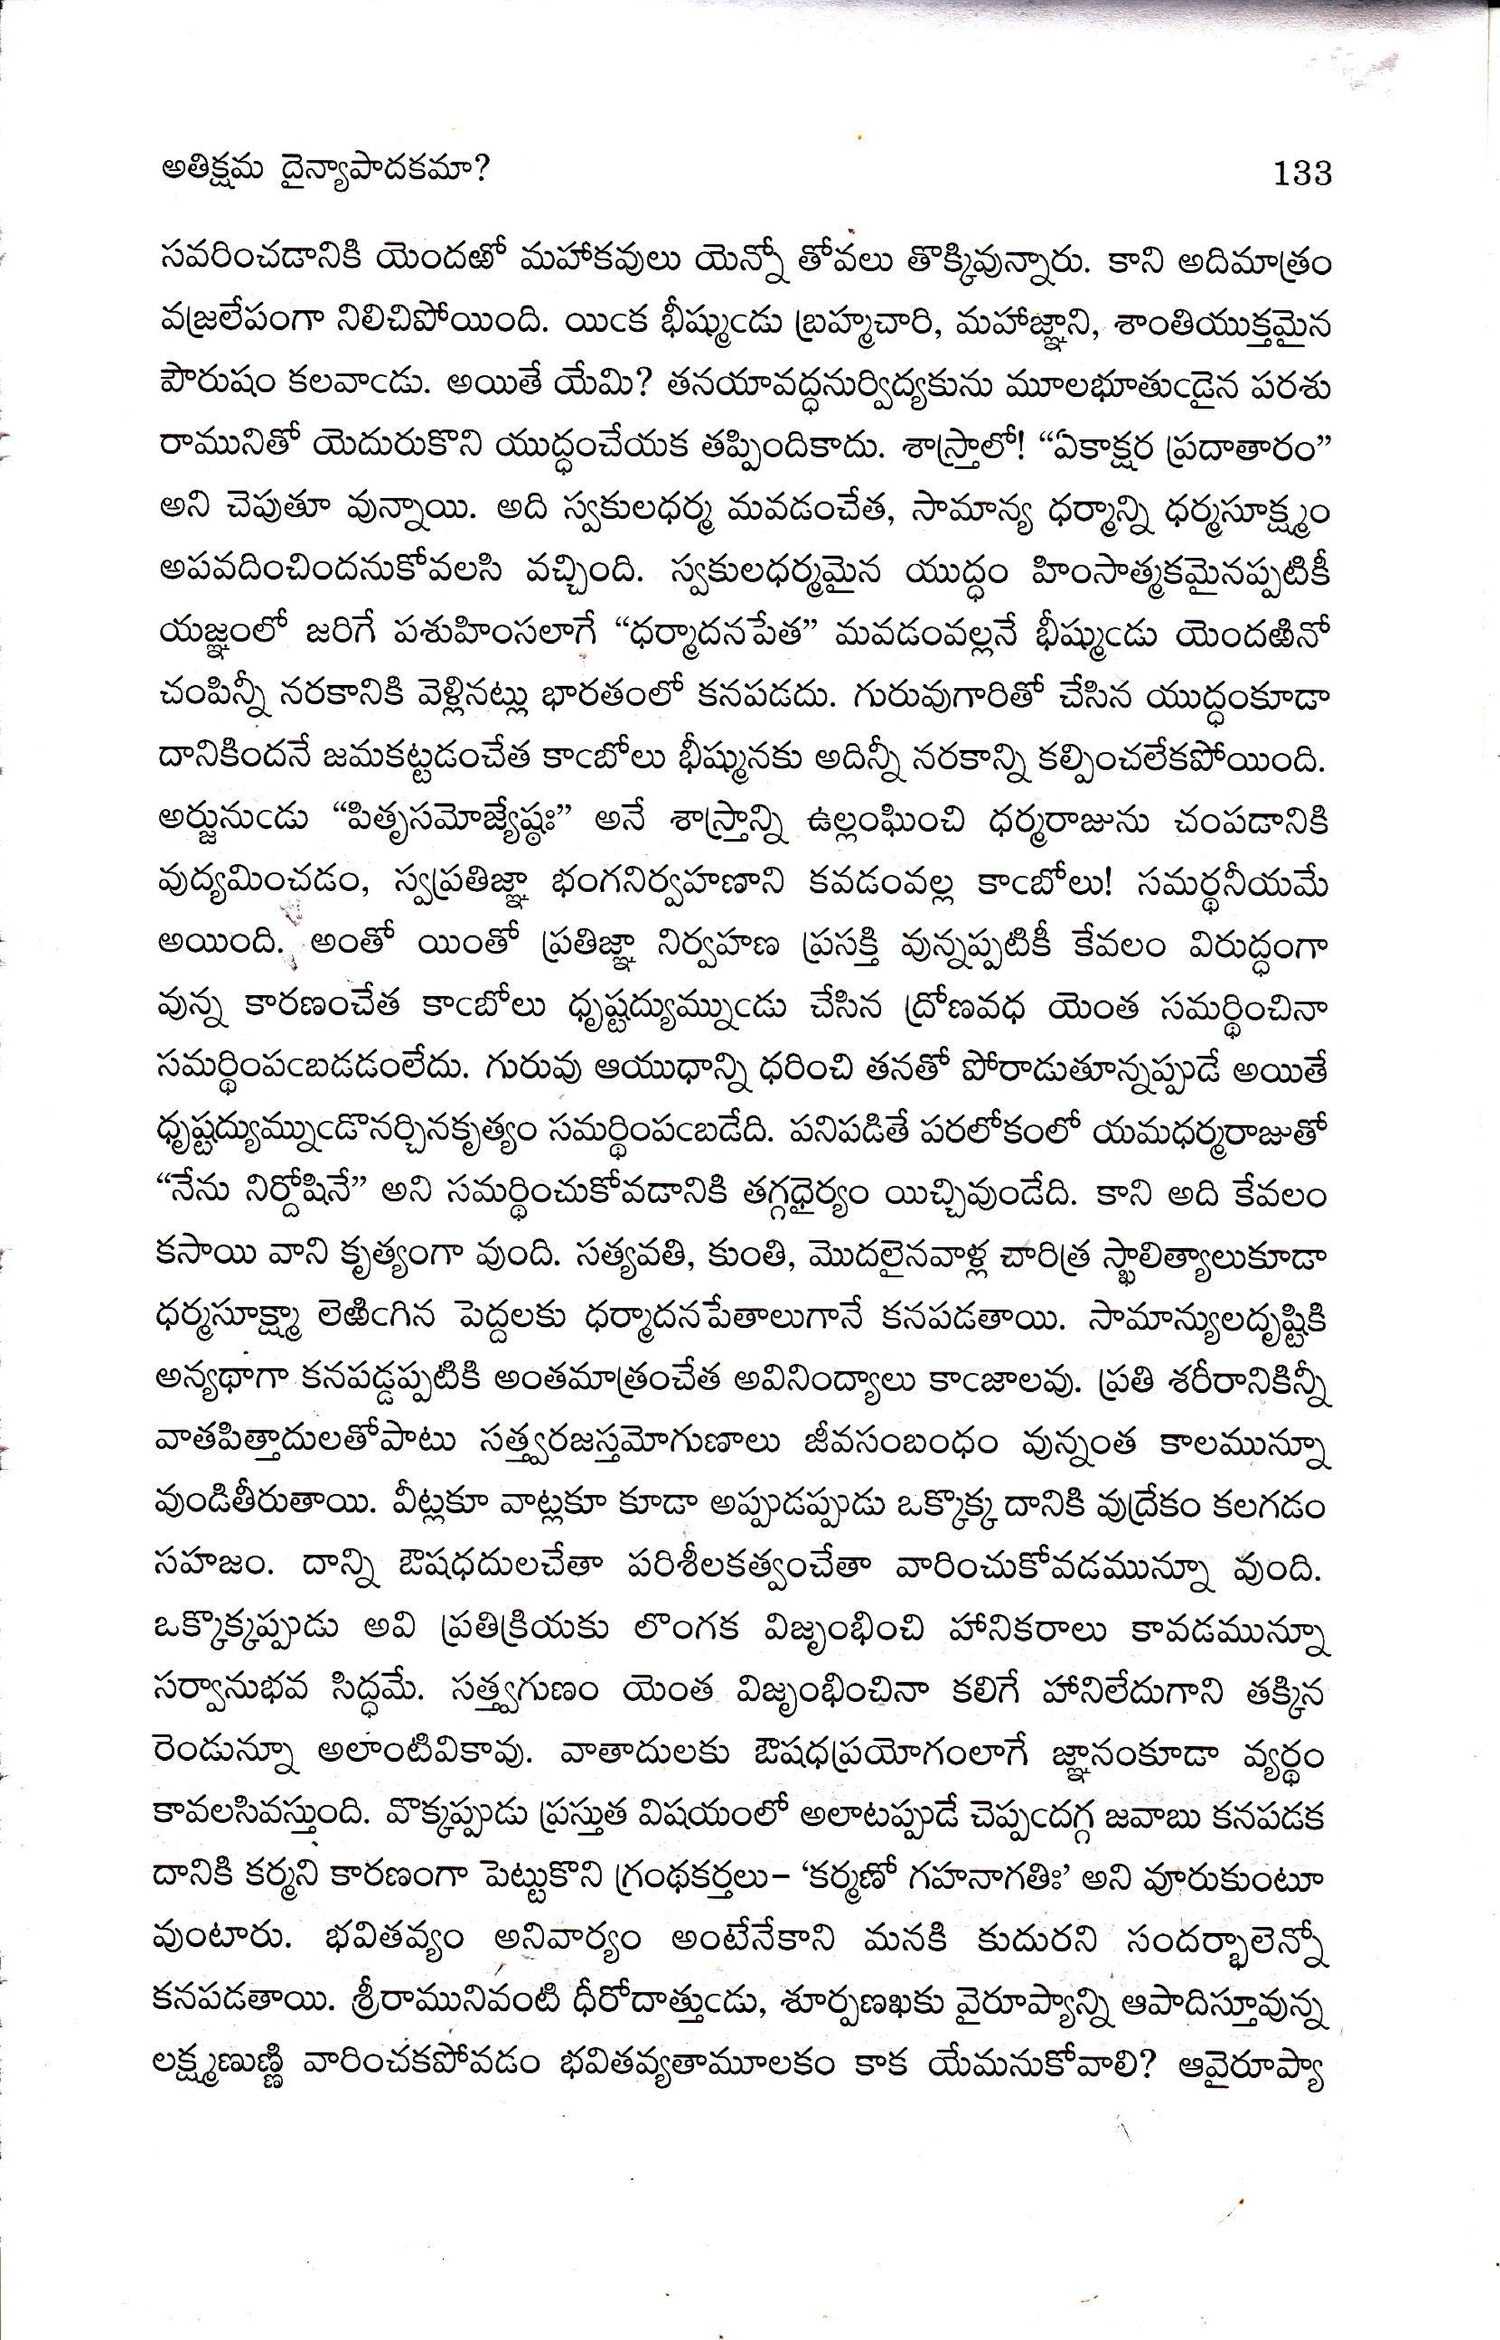సవరించడానికి యెందఱో మహాకవులు యెన్నో తోవలు తొక్కివున్నారు. కాని అదిమాత్రం వజ్రలేపంగా నిలిచిపోయింది. యిఁక భీష్ముఁడు బ్రహ్మచారి, మహాజ్ఞాని, శాంతియుక్తమైన పౌరుషం కలవాఁడు. అయితే యేమి? తనయావద్ధనుర్విద్యకును మూలభూతుఁడైన పరశురామునితో యెదురుకొని యుద్ధంచేయక తప్పిందికాదు. శాస్త్రాలో! “ఏకాక్షర ప్రదాతారం" అని చెపుతూ వున్నాయి. అది స్వకులధర్మ మవడంచేత, సామాన్య ధర్మాన్ని ధర్మసూక్ష్మం అపవదించిందనుకోవలసి వచ్చింది. స్వకులధర్మమైన యుద్ధం హింసాత్మకమైనప్పటికీ యజ్ఞంలో జరిగే పశుహింసలాగే “ధర్మాదనపేత" మవడంవల్లనే భీష్ముఁడు యెందఱినో చంపిన్నీ నరకానికి వెళ్లినట్లు భారతంలో కనపడదు. గురువుగారితో చేసిన యుద్ధంకూడా దానికిందనే జమకట్టడంచేత కాఁబోలు భీష్మునకు అదిన్నీ నరకాన్ని కల్పించలేకపోయింది. అర్జునుఁడు “పితృసమోజ్యేష్ఠః" అనే శాస్త్రాన్ని ఉల్లంఘించి ధర్మరాజును చంపడానికి వుద్యమించడం, స్వప్రతిజ్ఞా భంగనిర్వహణాని కవడంవల్ల కాఁబోలు! సమర్థనీయమే అయింది. అంతో యింతో ప్రతిజ్ఞా నిర్వహణ ప్రసక్తి వున్నప్పటికీ కేవలం విరుద్ధంగా వున్న కారణంచేత కాఁబోలు ధృష్టద్యుమ్నుఁడు చేసిన ద్రోణవధ యెంత సమర్ధించినా సమర్ధింపఁబడడంలేదు. గురువు ఆయుధాన్ని ధరించి తనతో పోరాడుతూన్నప్పడే అయితే ధృష్టద్యుమ్నుఁడొనర్చినకృత్యం సమర్ధింపఁబడేది. పనిపడితే పరలోకంలో యమధర్మరాజుతో "నేను నిర్దోషినే" అని సమర్థించుకోవడానికి తగ్గదైర్యం యిచ్చివుండేది. కాని అది కేవలం కసాయి వాని కృత్యంగా వుంది. సత్యవతి, కుంతి, మొదలైనవాళ్ల చారిత్ర స్ఖాలిత్యాలుకూడా ధర్మసూక్ష్మా లెఱిఁగిన పెద్దలకు ధర్మాదనపేతాలుగానే కనపడతాయి. సామాన్యులదృష్టికి అన్యథాగా కనపడ్డప్పటికి అంతమాత్రంచేత అవినింద్యాలు కాఁజాలవు. ప్రతి శరీరానికిన్నీ వాతపిత్తాదులతోపాటు సత్త్వరజస్తమోగుణాలు జీవసంబంధం వున్నంత కాలమున్నూ వుండితీరుతాయి. వీట్లకూ వాట్లకూ కూడా అప్పుడప్పుడు ఒక్కొక్కదానికి వుద్రేకం కలగడం సహజం. దాన్ని ఔషధదులచేతా పరిశీలకత్వంచేతా వారించుకోవడమున్నూ వుంది. ఒక్కొక్కప్పుడు అవి ప్రతిక్రియకు లొంగక విజృంభించి హానికరాలు కావడమున్నూ సర్వానుభవ సిద్ధమే. సత్త్వగుణం యెంత విజృంభించినా కలిగే హానిలేదుగాని తక్కిన రెండున్నూ అలాంటివికావు. వాతాదులకు ఔషధప్రయోగంలాగే జ్ఞానంకూడా వ్యర్థం కావలసివస్తుంది. వొక్కప్పుడు ప్రస్తుత విషయంలో అలాటప్పుడే చెప్పఁదగ్గ జవాబు కనపడక దానికి కర్మని కారణంగా పెట్టుకొని గ్రంథకర్తలు- 'కర్మణో గహనాగతిః' అని వూరుకుంటూ వుంటారు. భవితవ్యం అనివార్యం అంటేనేకాని మనకి కుదురని సందర్భాలెన్నో కనపడతాయి. శ్రీరామునివంటి ధీరోదాత్తుఁడు, శూర్పణఖకు వైరూప్యాన్ని ఆపాదిస్తూవున్న లక్ష్మణుణ్ణి వారించకపోవడం భవితవ్యతామూలకం కాక యేమనుకోవాలి? ఆవైరూప్యా

\